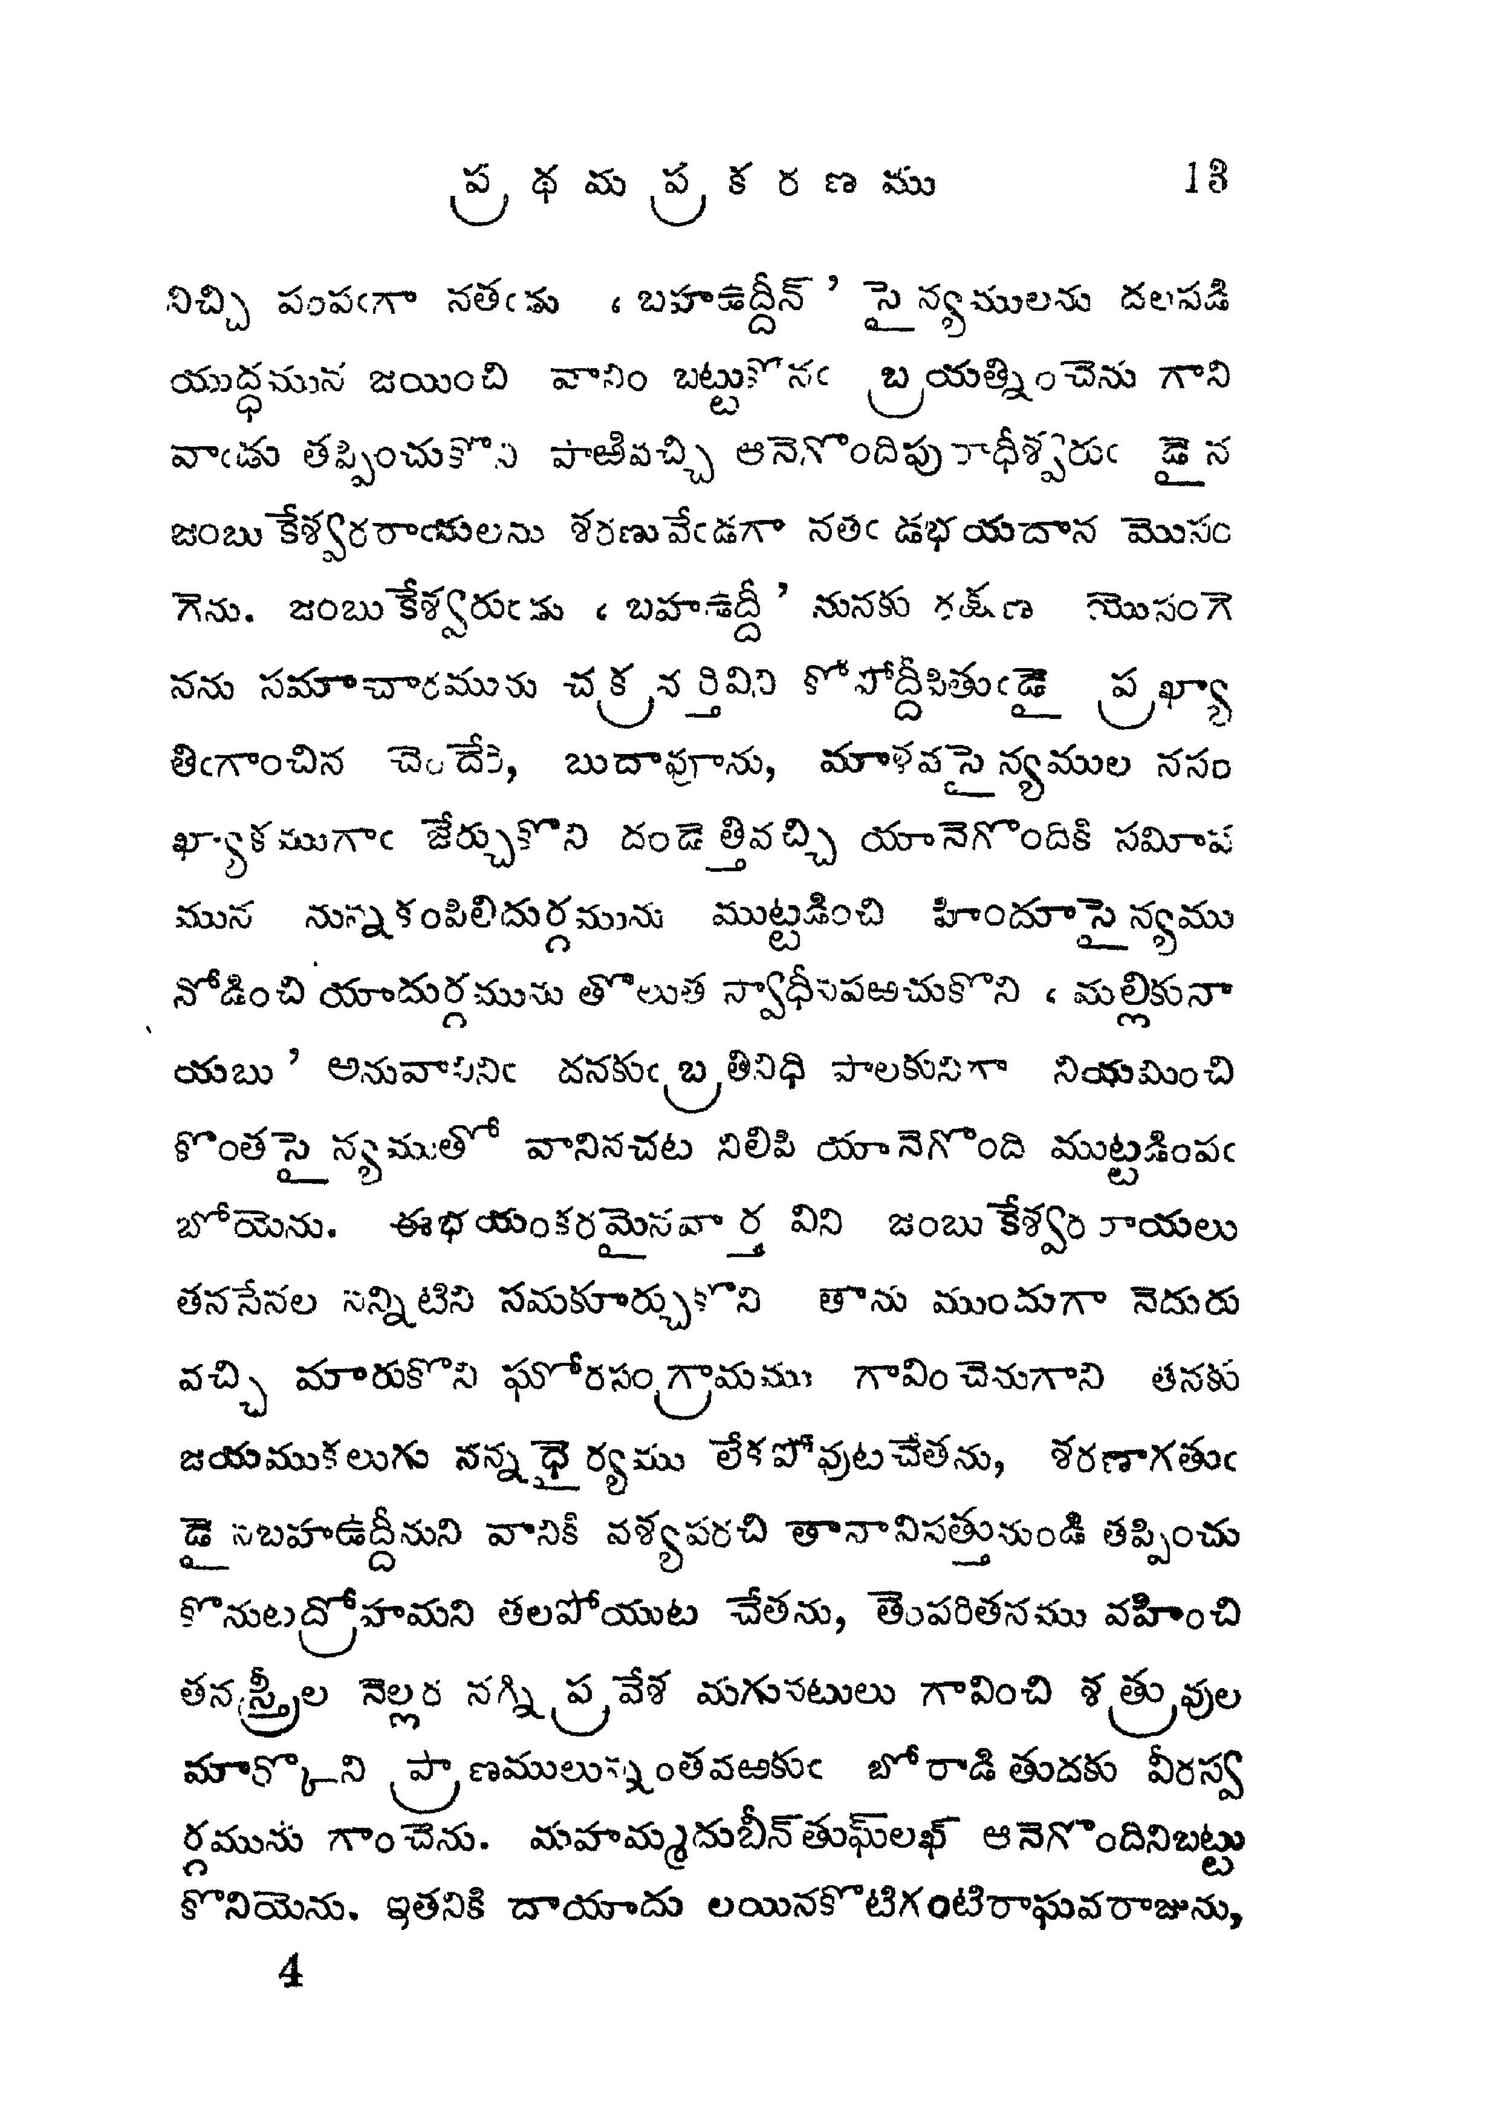నిచ్చి పంపగా నతడు 'బహఉద్దీన్‌' సైన్యములను దలపడి యుద్ధమున జయించి వానిం బట్టుకొన బ్రయత్నించెను గాని వాడు తప్పించుకొని పాఱివచ్చి ఆనెగొందెపురాధీశ్వరు డైన జంబుకేశ్వరరాయలను శరణువేడగా నత డభయదాన మొసంగెను. జంబుకేశ్వరుడు 'బహఉద్దీ' నునకు రక్షణ యొసంగె నను సమాచారమును చక్రవర్తివిని కోపోద్దీపితుడై ప్రఖ్యాతిగాంచిన చెందేరి, బుదావూను, మాళవసైన్యముల నసంఖ్యాకముగా జేర్చుకొని దండెత్తివచ్చి యానెగొందికి సమీపమున నున్నకంపిలిదుర్గమును ముట్టడించి హిందూసైన్యము నోడించి యాదుర్గమును తొలుత స్వాధీనపఱచుకొని 'మల్లికునాయబు' అనువానిని దనకుబ్రతినిధి పాలకునిగా నియమించి కొంతసైన్యముతో వానినచట నిలిపి యానెగొంది ముట్టడింప బోయెను. ఈభయంకరమైనవార్త విని జంబుకేశ్వరరాయలు తనసేనల నన్నిటిని సమకూర్చుకొని తాను ముందుగా నెదురువచ్చి మారుకొని ఘోరసంగ్రామము గావించెనుగాని తనకు జయముకలుగు నన్నధైర్యము లేకపోవుటచేతను, శరణాగతుడైన బహఉద్దీనుని వానికి వశ్యపరచి తానావిపత్తునుండి తప్పించుకొనుట ద్రోహమని తలపోయుట చేతను, తెంపరితనము వహించి తనస్త్రీల నెల్లర నగ్నిప్రవేశ మగునటులు గావించి శత్రువుల మార్కొని ప్రాణములున్నంతవఱకు బోరాడి తుదకు వీరస్వర్గమును గావించెను. మహమ్మదు బీన్‌ తుఘ్‌లఖ్ ఆనెగొందిని బట్టుకొనియెను. ఇతనికి దాయాదు లయిన కొటిగంటి రాఘవరాజును,